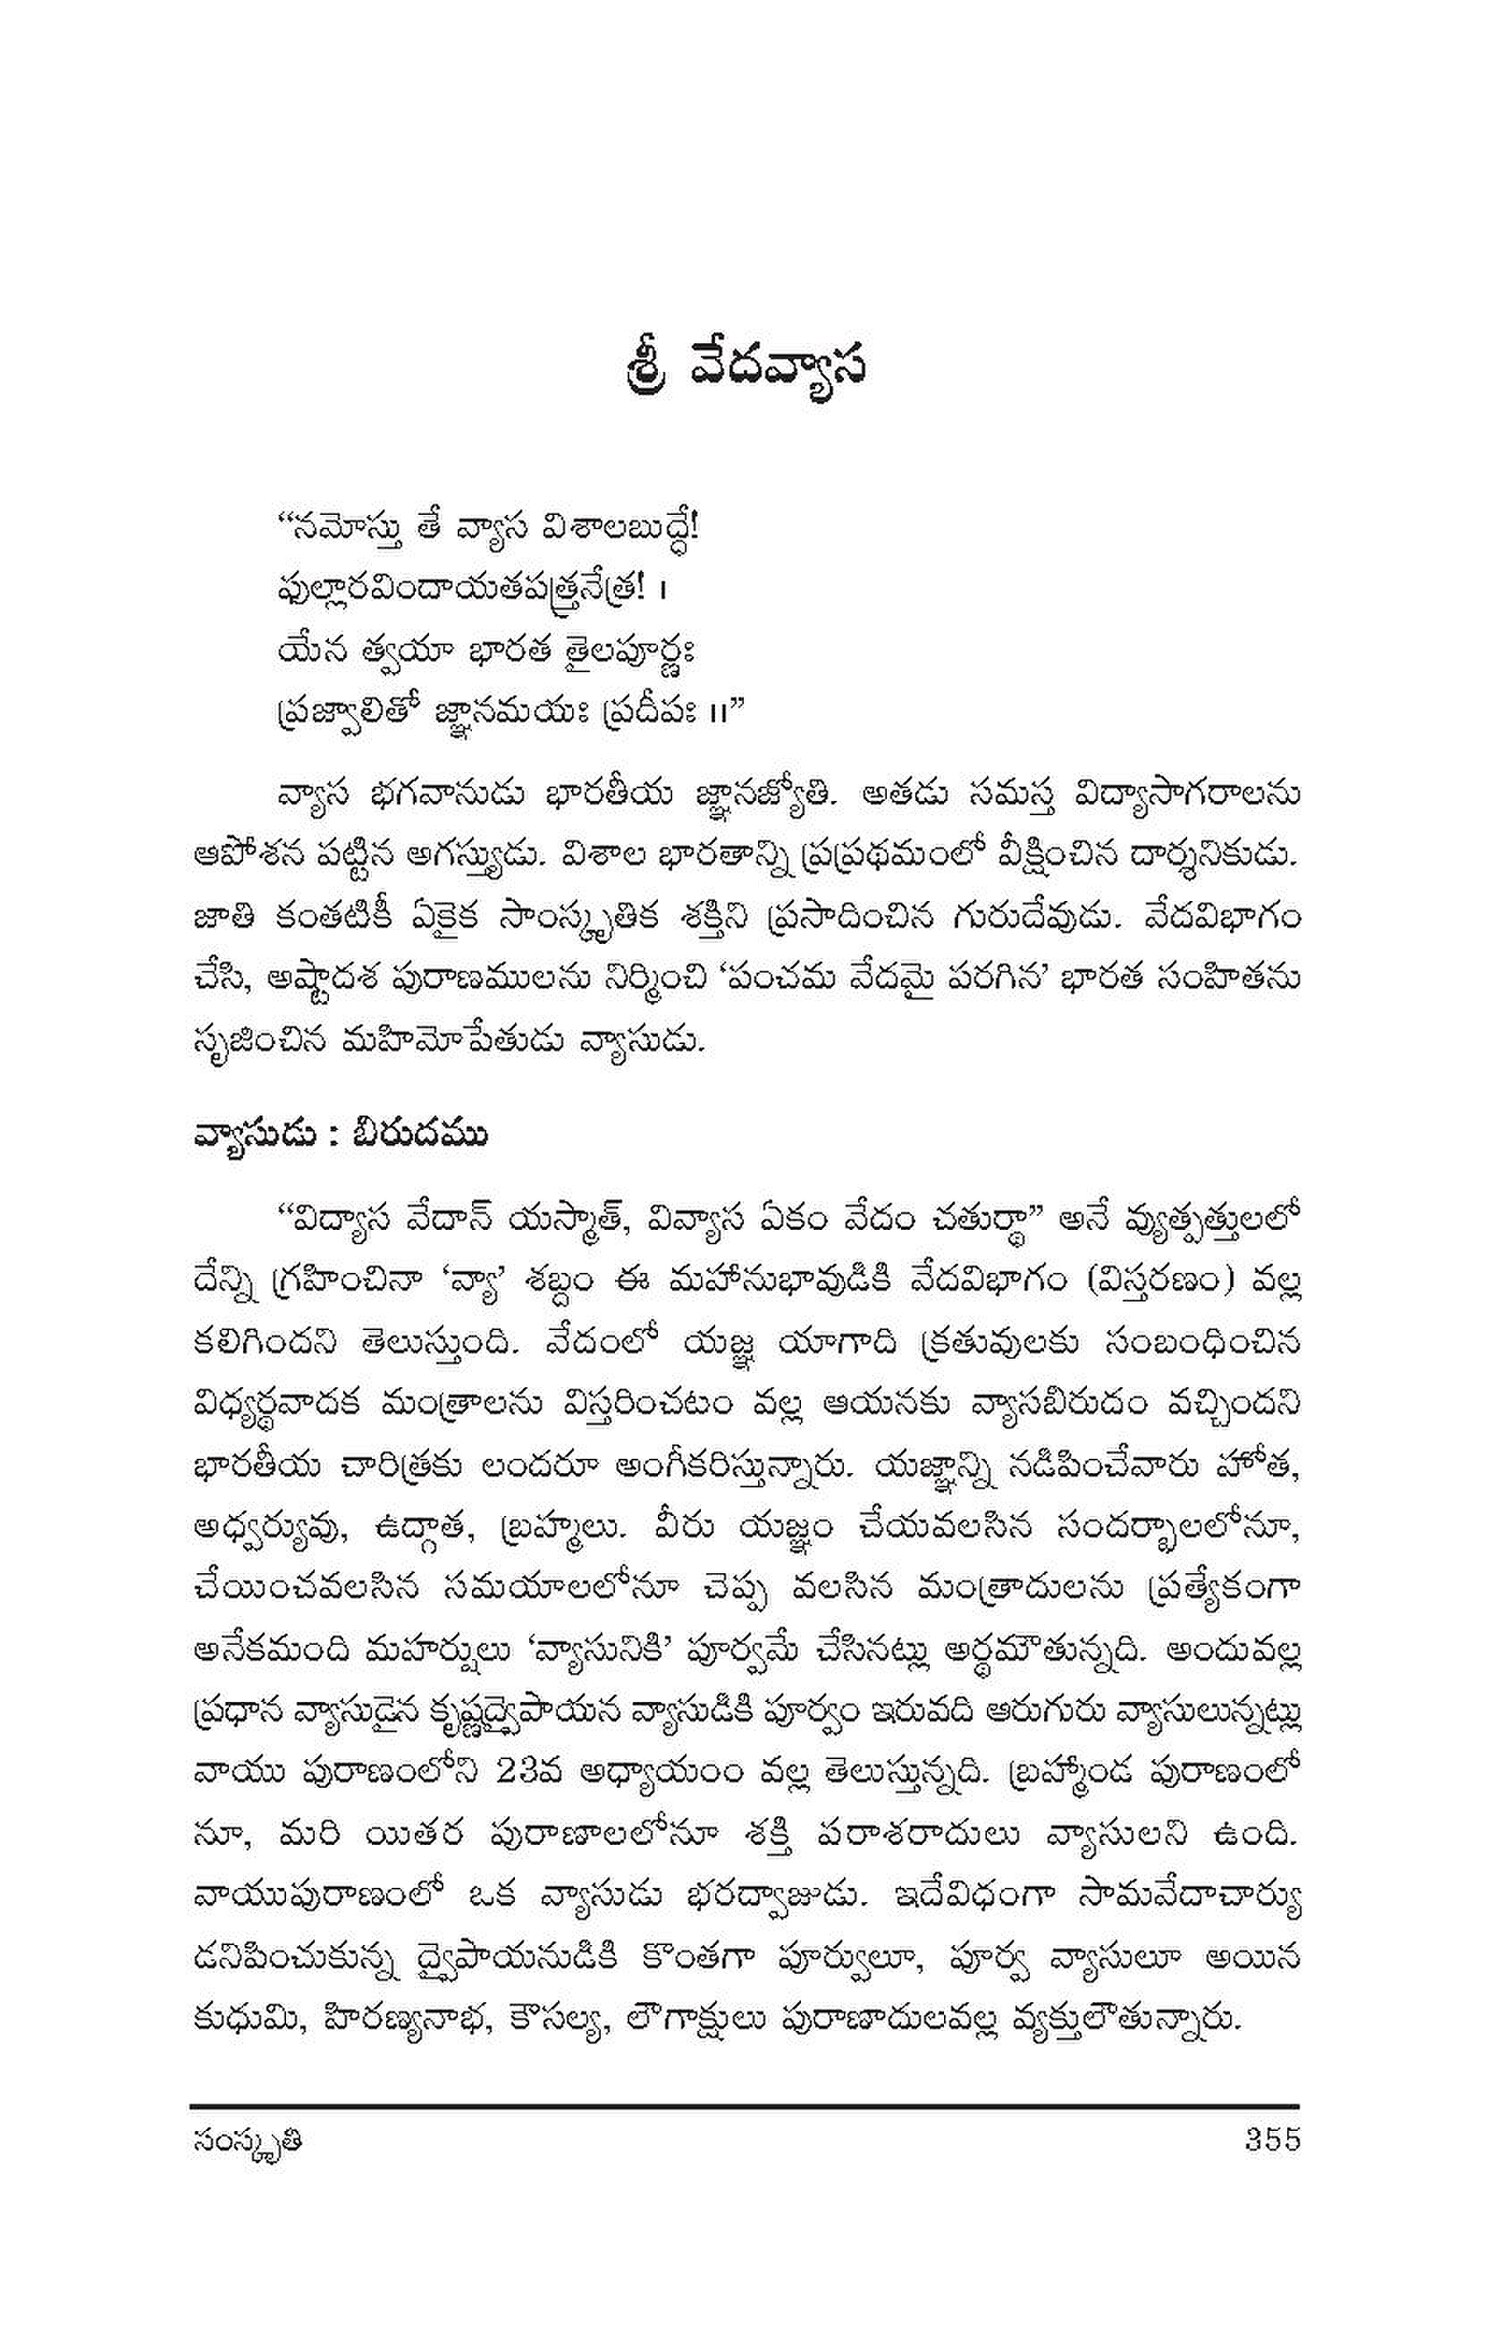“నమోస్తు తే వ్యాస విశాలబుద్ధే!
ఫుల్లారవిందాయతపత్రనేత్ర! |
యేన త్వయా భారత తైలపూర్ణః
ప్రజ్వాలితో జ్ఞానమయః ప్రదీపః ||"

వ్యాస భగవానుడు భారతీయ జ్ఞానజ్యోతి. అతడు సమస్త విద్యాసాగరాలను
ఆపోశన పట్టిన అగస్త్యుడు. విశాల భారతాన్ని ప్రప్రథమంలో వీక్షించిన దార్శనికుడు.
జాతి కంతటికీ ఏకైక సాంస్కృతిక శక్తిని ప్రసాదించిన గురుదేవుడు. వేదవిభాగం
చేసి, అష్టాదశ పురాణములను నిర్మించి 'పంచమ వేదమై పరగిన భారత సంహితను
సృజించిన మహిమోపేతుడు వ్యాసుడు.

వ్యాసుడు : బిరుదము

"విద్యాస వేదాన్ యస్మాత్, వివ్యాస ఏకం వేదం చతుర్థా" అనే వ్యుత్పత్తులలో
దేన్ని గ్రహించినా 'వ్యా' శబ్దం ఈ మహానుభావుడికి వేదవిభాగం (విస్తరణం) వల్ల
కలిగిందని తెలుస్తుంది. వేదంలో యజ్ఞ యాగాది క్రతువులకు సంబంధించిన
విధ్యర్థవాదక మంత్రాలను విస్తరించటం వల్ల ఆయనకు వ్యాసబిరుదం వచ్చిందని
భారతీయ చారిత్రకు లందరూ అంగీకరిస్తున్నారు. యజ్ఞాన్ని నడిపించేవారు హోత,
అధ్వర్యువు, ఉద్గాత, బ్రహ్మలు. వీరు యజ్ఞం చేయవలసిన సందర్భాలలోనూ,
చేయించవలసిన సమయాలలోనూ చెప్ప వలసిన మంత్రాదులను ప్రత్యేకంగా
అనేకమంది మహర్షులు 'వ్యాసునికి' పూర్వమే చేసినట్లు అర్థమౌతున్నది. అందువల్ల
ప్రధాన వ్యాసుడైన కృష్ణద్వైపాయన వ్యాసుడికి పూర్వం ఇరువది ఆరుగురు వ్యాసులున్నట్లు
వాయు పురాణంలోని 23వ అధ్యాయంం వల్ల తెలుస్తున్నది. బ్రహ్మాండ పురాణంలో
నూ, మరి యితర పురాణాలలోనూ శక్తి పరాశరాదులు వ్యాసులని ఉంది.
వాయుపురాణంలో ఒక వ్యాసుడు భరద్వాజుడు. ఇదేవిధంగా సామవేదాచార్యు
డనిపించుకున్న ద్వైపాయనుడికి కొంతగా పూర్వులూ, పూర్వ వ్యాసులూ అయిన
కుధుమి, హిరణ్యనాభ, కౌసల్య, లౌగాక్షులు పురాణాదులవల్ల వ్యక్తులౌతున్నారు.